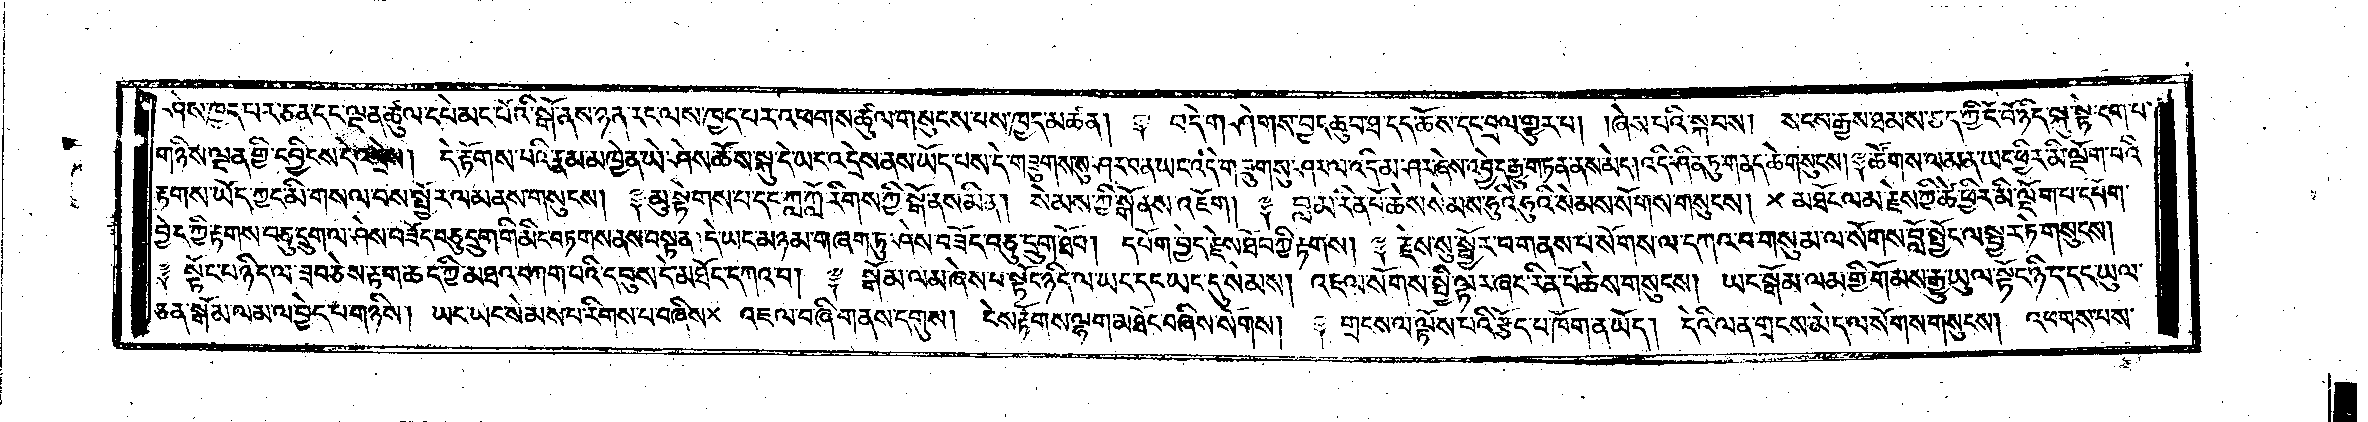ཤེས་ཁྱད་པར་ཅན་དང་ལྡན་ཚུལ་དཔེ་མང་པོའི་སྒོ་ནས་ཉན་རང་ལས་ཁྱད་པར་འཕགས་ཚུལ་གསུངས་པས་ཁྱད་མཚན། ༈ བདེ་གཤེགས་བྱང་ཆུབ་ཐ་དད་ཆོས་དང་བྲལ་འགྱུར་བ། ཞེས་པའི་སྐབས། སངས་རྒྱས་ཐམས་ཅད་ཀྱི་ངོ་བོ་ཉིད་སྐུ་སྟེ་དག་པ་
ཉིས་ལྡན་གྱི་དབྱིངས་དེ་འདྲེས། དེ་རྟོགས་པའི་རྣམ་མཁྱེན་ཡེ་ཤེས་ཆོས་སྐུ་དེ་ཡང་འདྲེས་ནས་ཡོད་པས་དེ་གཟུགས་སུ་ཤར་བ་ན་ཡང་འདི་གཟུགས་སུ་ཤར་ལ་འདི་མ་ཤར་ཞེས་འབྱེད་རྒྱུ་གཏན་ནས་མེད། འདི་ཤིན་ཏུ་གནད་ཆེ་གསུངས། ༈ ཚོགས་ལམ་ན་ཡང་ཕྱིར་མི་ལྡོག་པའི་
ཤས་ཡོད་ཀྱང་མི་གསལ་བས་སྦྱོར་ལམ་ནས་གསུངས། ༈ མུ་སྟེགས་པ་དང་ཀླ་ཀློ་རིགས་ཀྱི་སྒོ་ནས་མིན། སེམས་ཀྱི་སྒོ་ནས་འཇོག ། ༈ བླ་མ་རིན་པོ་ཆེས་སེམས་ཧུའི་ཧུའི་སེམས་སོགས་གསུངས། ྾་མཐོང་ལམ་རྗེས་ཀྱི་ཚེ་ཕྱིར་མི་ལྡོག་པ་དཔོག་
ཀྱི་རྟགས་བཅུ་དྲུག་ལ་ཤེས་བཟོད་བཅུ་དྲུག་གི་མིང་བཏགས་ནས་བསྟན། དེ་ཡང་མཉམ་གཞག་ཏུ་ཤེས་བཟོད་བཅུ་དྲུག་ཐོབ། དཔོག་བྱེད་རྗེས་ཐོབ་ཀྱི་རྟགས། ༈ རྗེས་སུ་སྦྱོར་བ་གནས་པ་སོགས་ལ་དཀའ་བ་གསུམ་ལ་སོགས་བློ་སྤྱོང་ལ་སྦྱར་ཏེ་གསུངས།
སྟོང་པ་ཉིད་ལ་ཟབ་ཅེས་རྟག་ཆད་ཀྱི་མཐའ་བཀག་པའི་དབུས་དེ་མཐོང་དཀའ་བ། ༈ སྒོམ་ལམ་ཞེས་པ་སྟོང་ཉིད་ལ་ཡང་དང་ཡང་དུ་སེམས། འཇལ་སོགས་སྤྱི་ལྟར་ཞང་རིན་པོ་ཆེས་གསུངས། ཡང་སྒོམ་ལམ་གྱི་གོམས་རྒྱུ་ཡུལ་སྟོང་ཉིད་དང་ཡུལ་
སྒོམ་ལམ་ལ་བྱེད་པ་གཉིས། ཡང་ཡང་སེམས་པ་རིགས་པ་བཞིས་྾་འཇལ་བཞི་གནས་དགུས། ངེས་རྟོགས་ལྷག་མཐོང་བཞིས་སོགས། ༈ གྲངས་ལ་ལྟོས་པའི་རྩོད་པ་ཁོག་ན་ཡོད། དེའི་ལན་གྲངས་མེད་ལ་སོགས་གསུངས། འཕགས་པས་